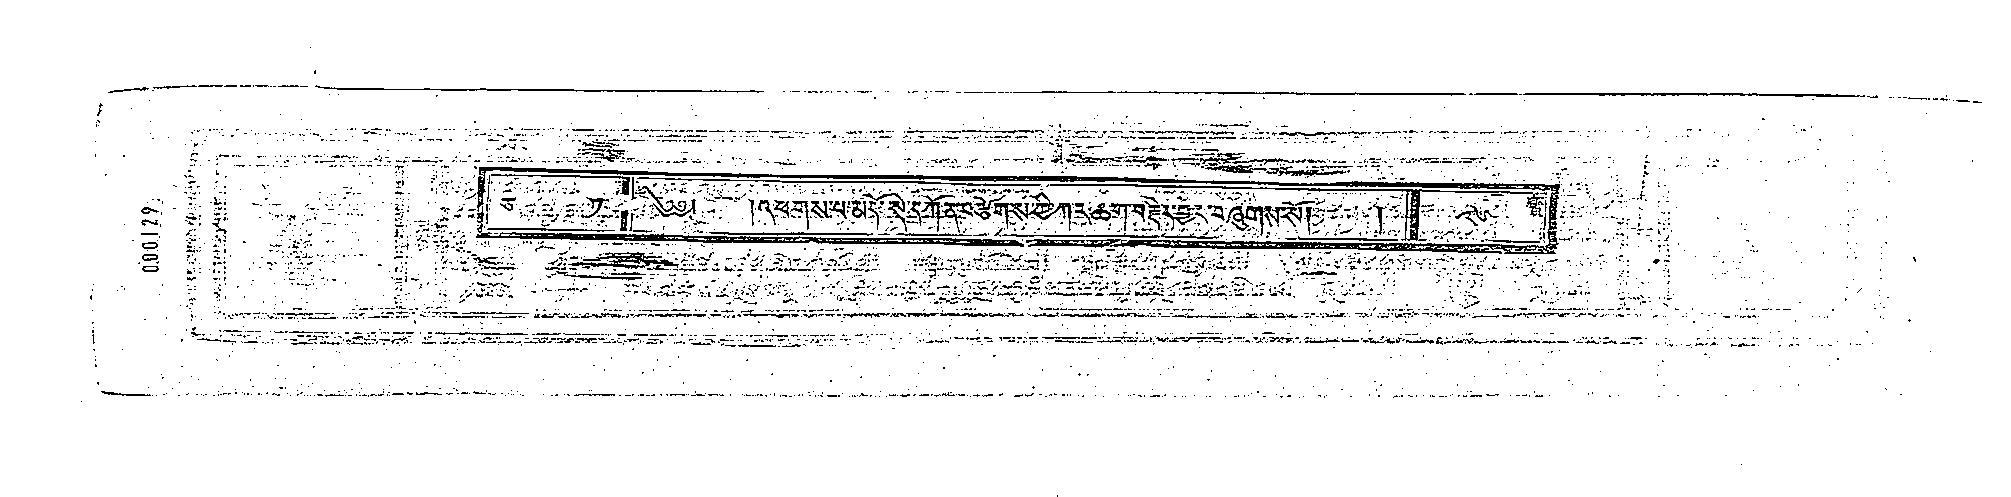ང ༥?
ཅ ༡་༄༅། །འཕགས་པ་མདོ་སྡེ་དཀོན་བརྩེགས་ཀྱི་ཀར་ཆག་བརྗེད་བྱང་བཞུགས་སོ། །